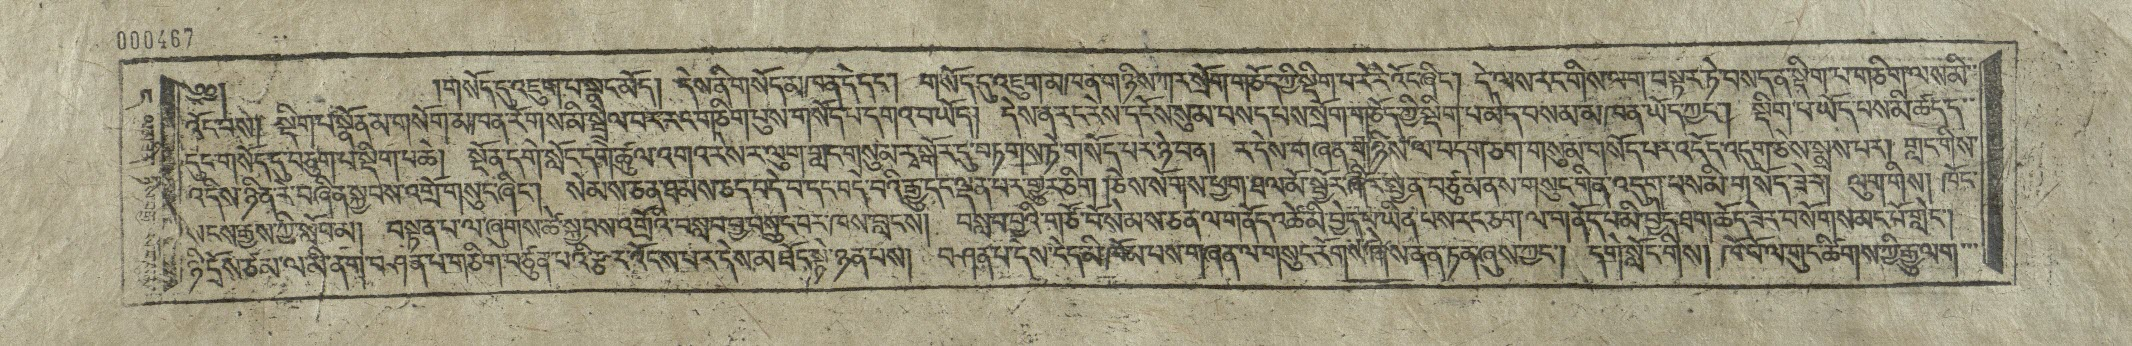༄༅། །གསོད་དུ་འཇུག་པ་སྣང་མོད། དེས་ནི་གསོད་མཁན་དེ་དང་། གསོད་དུ་འཇུག་མཁན་གཉིས་ཀར་སྲོག་གཅོད་ཀྱི་སྡིག་པ་རེ་རེ་འོང་ཞིང་། དེ་ལས་རང་གིས་ལག་བསྟར་ཏེ་བསད་ན་སྡིག་པ་གཅིག་ལས་མི་
འོང་བས། སྡིག་པ་སྣོན་མ་གསོག་མཁན་རོགས་མི་སྦྲེལ་བར་རང་གཅིག་པུས་གསོད་པ་དགའ་བ་ཡོད། དེས་ན་རང་རེས་དངོས་སུ་མ་བསད་པས་སྲོག་གཅོད་ཀྱི་སྡིག་པ་མེད་བསམ་མཁན་ཡོད་ཀྱང་། སྡིག་པ་ཡོད་པས་མི་ཚད་ད་
དུང་གསོད་དུ་བཅུག་པ་སྡིག་པ་ཆེ། སྔོན་དགེ་སློང་དགེ་ཚུལ་འགའ་རེས་ར་ལུག་གླང་གསུམ་རྭ་སྒོར་དུ་བཏགས་ཏེ་གསོད་པར་ཉེ་བ་ན། ར་དེས་གཞན་གཉིས་ལ་བདག་ཅག་གསུམ་གསོད་པར་འདོད་འདུག་ཅེས་སྨྲས་པར། གླང་གིས་
འདིས་ཉིན་རེ་བཞིན་སྐྱབས་འགྲོ་གསུང་ཞིང་། སེམས་ཅན་ཐམས་ཅད་བདེ་བ་དང་བདེ་བའི་རྒྱུ་དང་ལྡན་པར་གྱུར་ཅིག །ཅེས་སོགས་ཕྱག་ཐལ་མོ་སྦྱོར་ཞིང་སྤྱན་བཙུམ་ནས་གསུང་གིན་འདུག་པས་མི་གསོད་ཟེར། ལུག་གིས། ཁོང་
སངས་རྒྱས་ཀྱི་སློབ་མ། བསྟན་པ་ལ་ཞུགས་ཚེ་སྐྱབས་འགྲོའི་བསླབ་བྱ་བསྲུང་བར་ཁས་བླངས། བསླབ་བྱའི་གཙོ་བོ་སེམས་ཅན་ལ་གནོད་འཚེ་མི་བྱེད་པ་ཡིན་པས་རང་ཅག་ལ་གནོད་པ་མི་བྱེད་ཐག་ཆོད་ཟེར་བ་སོགས་མང་པོ་གླེང་།
ཉི་དྲོས་ཙམ་ལ་མི་ནག་བཤན་པ་གཅིག་བཙུན་པའི་རྩར་འོངས་པར་དེས་མཐོང་སྟེ་ཉན་པས། བཤན་པ་དེས་ངེད་མི་ཁོམ་པས་གཞན་ལ་གསུང་རོགས་ཞེས་ནན་ཏན་ཞུས་ཀྱང་། དགེ་སློང་གིས། ཁོ་བོ་ལ་གུང་ཚིགས་ཀྱི་རྒྱུ་ལག་